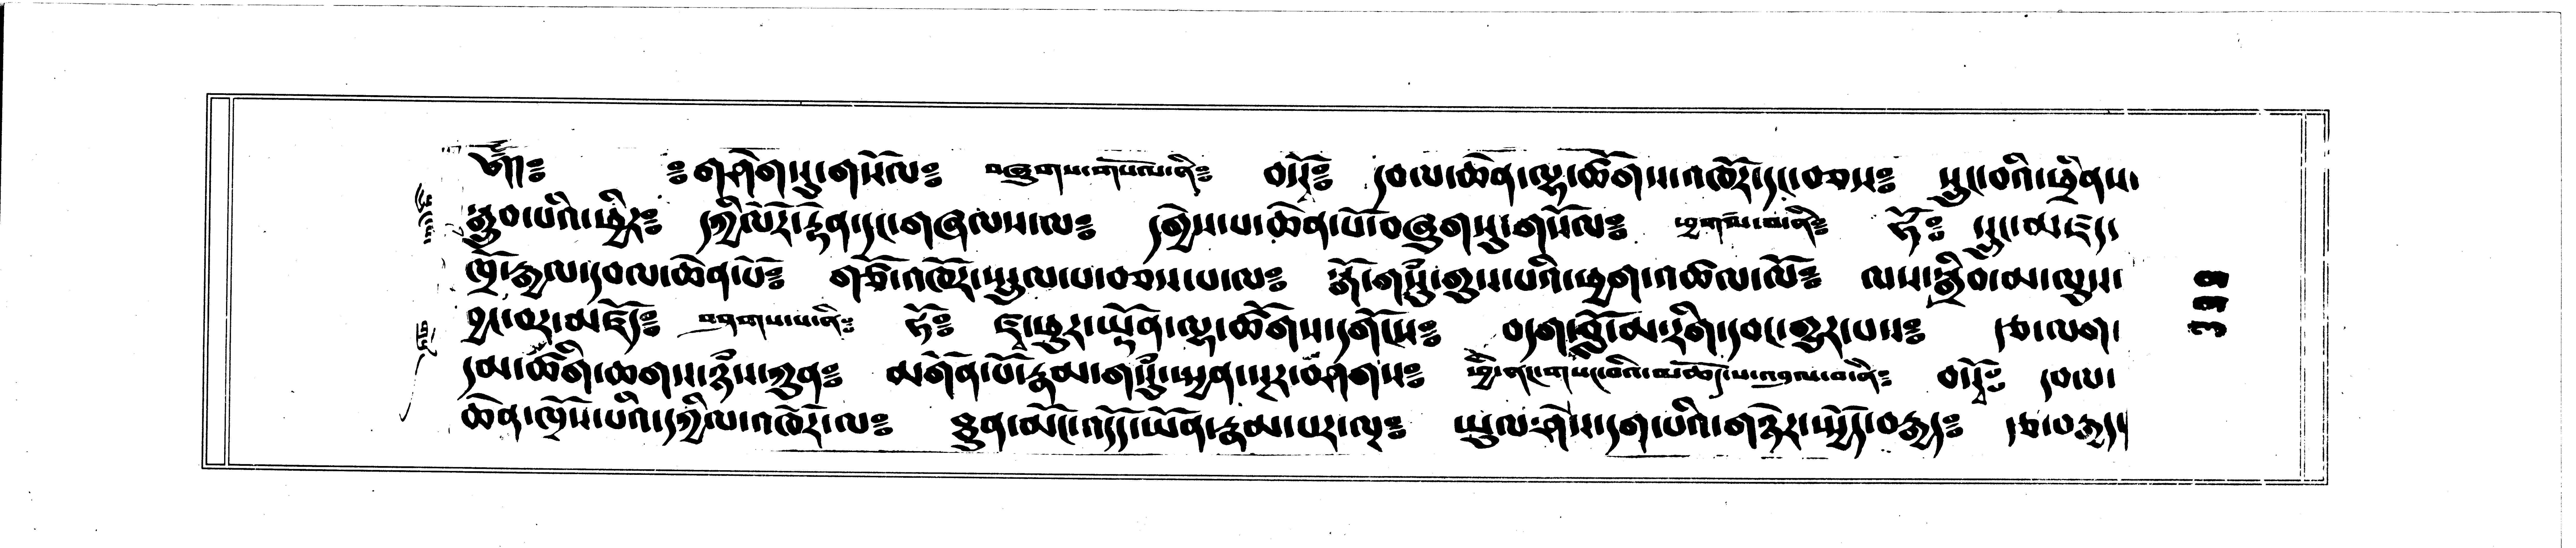༔གཤེགས་སུ་གསོལ༔ བཞུགས་གསོལ་ནི༔ བསྭོ༔ དབལ་ཆེན་ལྷ་ཚོགས་འཁོར་དང་བཅས༔ སྲུང་བའི་ཕྲིན་ལས་
སྒྲུབ་པའི་ཕྱིར༔ དཀྱིལ་འཁོར་རྟེན་དང་གཞལ་ཡས་ལ༔ དགྱེས་པ་ཆེན་པོ་བཞུགས་སུ་གསོལ༔ ཕྱག་འཚལ་བ་ནི༔ ཧོ༔ སྲུང་མཛད་
ཁྲོ་རྒྱལ་དབང་ཆེན་པོ༔ གཙོ་འཁོར་སྤྲུལ་པ་བཅས་པ་ལ༔ སྒོ་གསུམ་གུས་པའི་ཕྱག་འཚལ་ལོ༔ ལས་སྒྲིབ་མ་ལུས་
བྱང་བར་མཛོད༔ བཤགས་པ་ནི༔ ཧོ༔ ཛྭ་ཕུར་ཡོན་ཏན་ལྷ་ཚོགས་དགོངས༔ བདག་བློ་མ་རིག་དབང་གྱུར་པས༔ རྩ་ལག་
དམ་ཚིག་ཆགས་ཉམས་ཀུན༔ མགོན་པོ་རྣམ་གསུམ་སྤྱན་སྔར་བཤགས༔ ཕྱི་ནང་གསང་བའི་མཆོད་པ་འབུལ་བ་ནི༔ བསྭོ༔ དབལ་
ན་ཁྲོས་པའི་དཀྱིལ་འཁོར་ལ༔ ཐུན་མོང་འདོད་ཡོན་རྣམ་པར་ལྔ༔ ཡུལ་ཤེས་དག་པའི་ཉེར་སྤྱོད་བརྒྱད༔ རྩ་བརྒྱད་